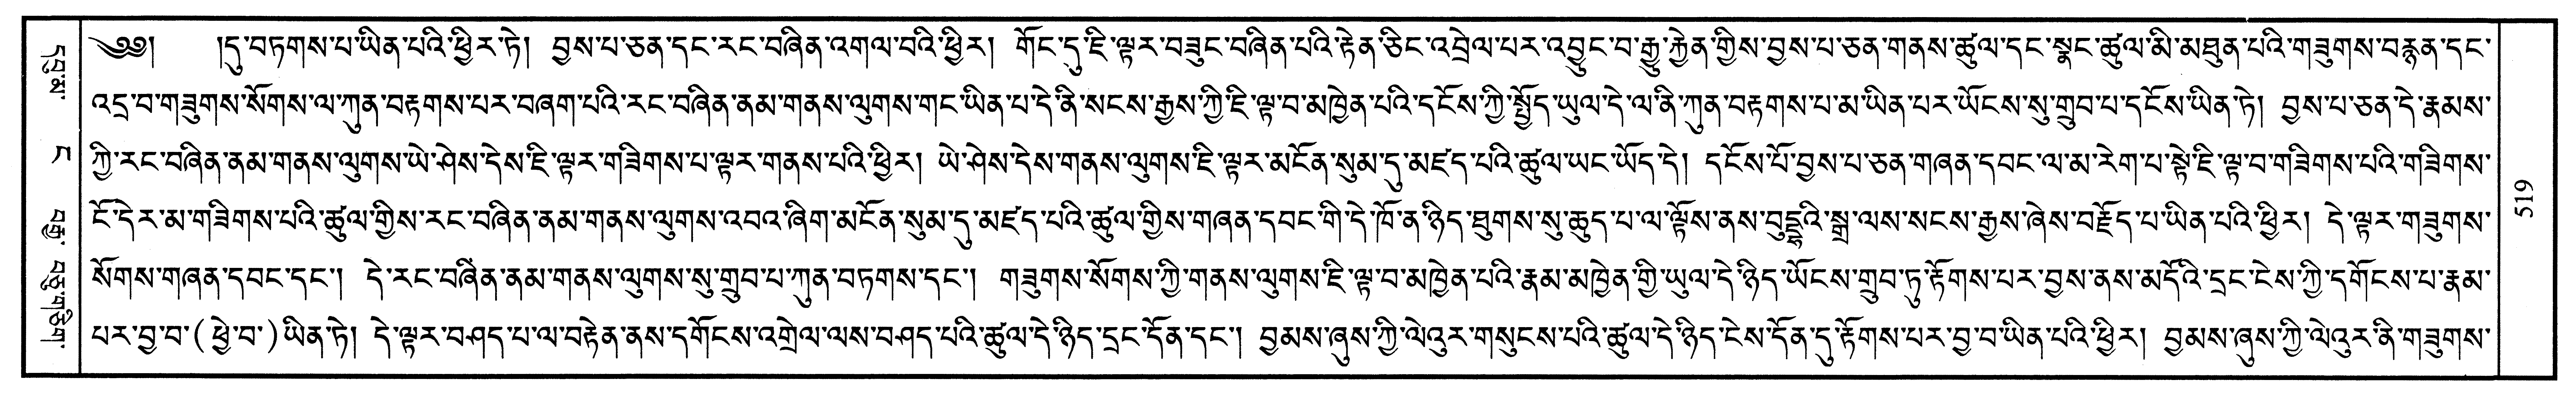༄༅། །དུ་བཏགས་པ་ཡིན་པའི་ཕྱིར་ཏེ། བྱས་པ་ཅན་དང་རང་བཞིན་འགལ་བའི་ཕྱིར། གོང་དུ་ཇི་ལྟར་བཟུང་བཞིན་པའི་རྟེན་ཅིང་འབྲེལ་པར་འབྱུང་བ་རྒྱུ་རྐྱེན་གྱིས་བྱས་པ་ཅན་གནས་ཚུལ་དང་སྣང་ཚུལ་མི་མཐུན་པའི་གཟུགས་བརྙན་དང་
འདྲ་བ་གཟུགས་སོགས་ལ་ཀུན་བརྟགས་པར་བཞག་པའི་རང་བཞིན་ནམ་གནས་ལུགས་གང་ཡིན་པ་དེ་ནི་སངས་རྒྱས་ཀྱི་ཇི་ལྟ་བ་མཁྱེན་པའི་དངོས་ཀྱི་སྤྱོད་ཡུལ་དེ་ལ་ནི་ཀུན་བརྟགས་པ་མ་ཡིན་པར་ཡོངས་སུ་གྲུབ་པ་དངོས་ཡིན་ཏེ། བྱས་པ་ཅན་དེ་རྣམས་
ཀྱི་རང་བཞིན་ནམ་གནས་ལུགས་ཡེ་ཤེས་དེས་ཇི་ལྟར་གཟིགས་པ་ལྟར་གནས་པའི་ཕྱིར། ཡེ་ཤེས་དེས་གནས་ལུགས་ཇི་ལྟར་མངོན་སུམ་དུ་མཛད་པའི་ཚུལ་ཡང་ཡོད་དེ། དངོས་པོ་བྱས་པ་ཅན་གཞན་དབང་ལ་མ་རེག་པ་སྟེ་ཇི་ལྟ་བ་གཟིགས་པའི་གཟིགས་
ངོ་དེར་མ་གཟིགས་པའི་ཚུལ་གྱིས་རང་བཞིན་ནམ་གནས་ལུགས་འབའ་ཞིག་མངོན་སུམ་དུ་མཛད་པའི་ཚུལ་གྱིས་གཞན་དབང་གི་དེ་ཁོ་ན་ཉིད་ཐུགས་སུ་ཆུད་པ་ལ་ལྟོས་ནས་བུདྡྷའི་སྒྲ་ལས་སངས་རྒྱས་ཞེས་བརྗོད་པ་ཡིན་པའི་ཕྱིར། དེ་ལྟར་གཟུགས་
སོགས་གཞན་དབང་དང་། དེ་རང་བཞིན་ནམ་གནས་ལུགས་སུ་གྲུབ་པ་ཀུན་བཏགས་དང་། གཟུགས་སོགས་ཀྱི་གནས་ལུགས་ཇི་ལྟ་བ་མཁྱེན་པའི་རྣམ་མཁྱེན་གྱི་ཡུལ་དེ་ཉིད་ཡོངས་གྲུབ་ཏུ་རྟོགས་པར་བྱས་ནས་མདོའི་དྲང་ངེས་ཀྱི་དགོངས་པ་རྣམ་
པར་བྱ་བ་ཕྱེ་བ་ཡིན་ཏེ། དེ་ལྟར་བཤད་པ་ལ་བརྟེན་ནས་དགོངས་འགྲེལ་ལས་བཤད་པའི་ཚུལ་དེ་ཉིད་དྲང་དོན་དང་། བྱམས་ཞུས་ཀྱི་ལེའུར་གསུངས་པའི་ཚུལ་དེ་ཉིད་ངེས་དོན་དུ་རྟོགས་པར་བྱ་བ་ཡིན་པའི་ཕྱིར། བྱམས་ཞུས་ཀྱི་ལེའུར་ནི་གཟུགས་